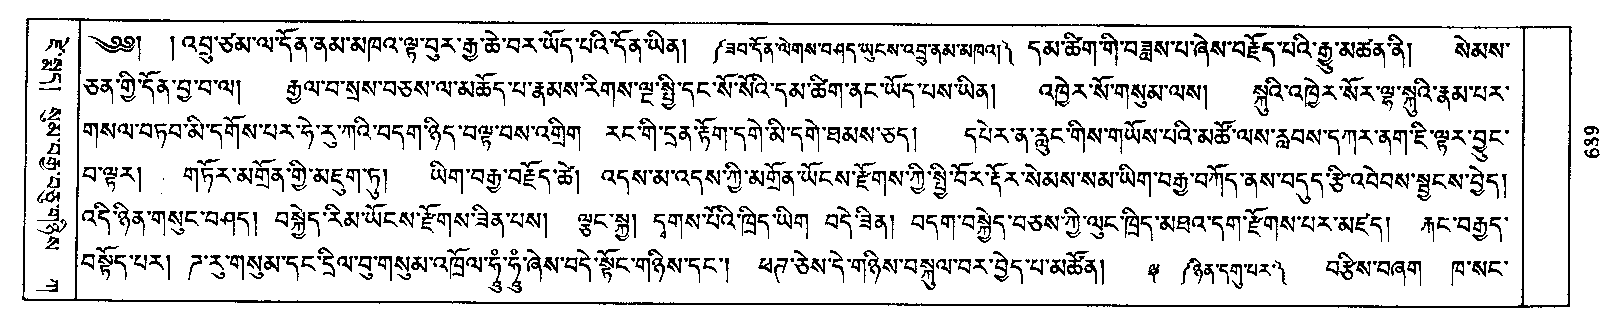༄༅། །འབྲུ་ཙམ་ལ་དོན་ནམ་མཁའ་ལྟ་བུར་རྒྱ་ཆེ་བར་ཡོད་པའི་དོན་ཡིན། ཟབ་དོན་ལེགས་བཤད་ཡུངས་འབྲུ་ནམ་མཁའ།?་དམ་ཚིག་གི་བཟླས་པ་ཞེས་བརྗོད་པའི་རྒྱུ་མཚན་ནི། སེམས་
ཅན་གྱི་དོན་བྱ་བ་ལ། རྒྱལ་བ་སྲས་བཅས་ལ་མཆོད་པ་རྣམས་རིགས་ལྔ་སྤྱི་དང་སོ་སོའི་དམ་ཚིག་ནང་ཡོད་པས་ཡིན། འཁྱེར་སོ་གསུམ་ལས། སྐུའི་འཁྱེར་སོར་ལྷ་སྐུའི་རྣམ་པར་
གསལ་བཏབ་མི་དགོས་པར་ཧེ་རུ་ཀའི་བདག་ཉིད་བལྟ་བས་འགྲིག་རང་གི་དྲན་རྟོག་དགེ་མི་དགེ་ཐམས་ཅད། དཔེར་ན་རླུང་གིས་གཡོས་པའི་མཚོ་ལས་རླབས་དཀར་ནག་ཇི་ལྟར་བྱུང་
བ་ལྟར། གཏོར་མགྲོན་གྱི་མཇུག་ཏུ། ཡིག་བརྒྱ་བརྗོད་ཚེ། འདས་མ་འདས་ཀྱི་མགྲོན་ཡོངས་རྫོགས་ཀྱི་སྤྱི་བོར་རྡོར་སེམས་སམ་ཡིག་བརྒྱ་བཀོད་ནས་བདུད་རྩི་འབེབས་སྦྱངས་བྱེད།
འདི་ཉིན་གསུང་བཤད། བསྐྱེད་རིམ་ཡོངས་རྫོགས་ཟིན་པས། ལྕང་སྐྱ། དྭགས་པོའི་ཁྲིད་ཡིག་བདེ་ཟིན། བདག་བསྐྱེད་བཅས་ཀྱི་ལུང་ཁྲིད་མཐའ་དག་རྫོགས་པར་མཛད། རྐང་བརྒྱད་
བསྟོད་པར། ཌ་རུ་གསུམ་དང་དྲིལ་བུ་གསུམ་འཁྲོལ་ཧཱུཾ་ཧཱུཾ་ཞེས་བདེ་སྟོང་གཉིས་དང་། ཕཊ་ཅེས་དེ་གཉིས་བསྐུལ་བར་བྱེད་པ་མཚོན། ༈ ཉིན་དགུ་པར྄་བརྩིས་བཞག་ཁ་སང་